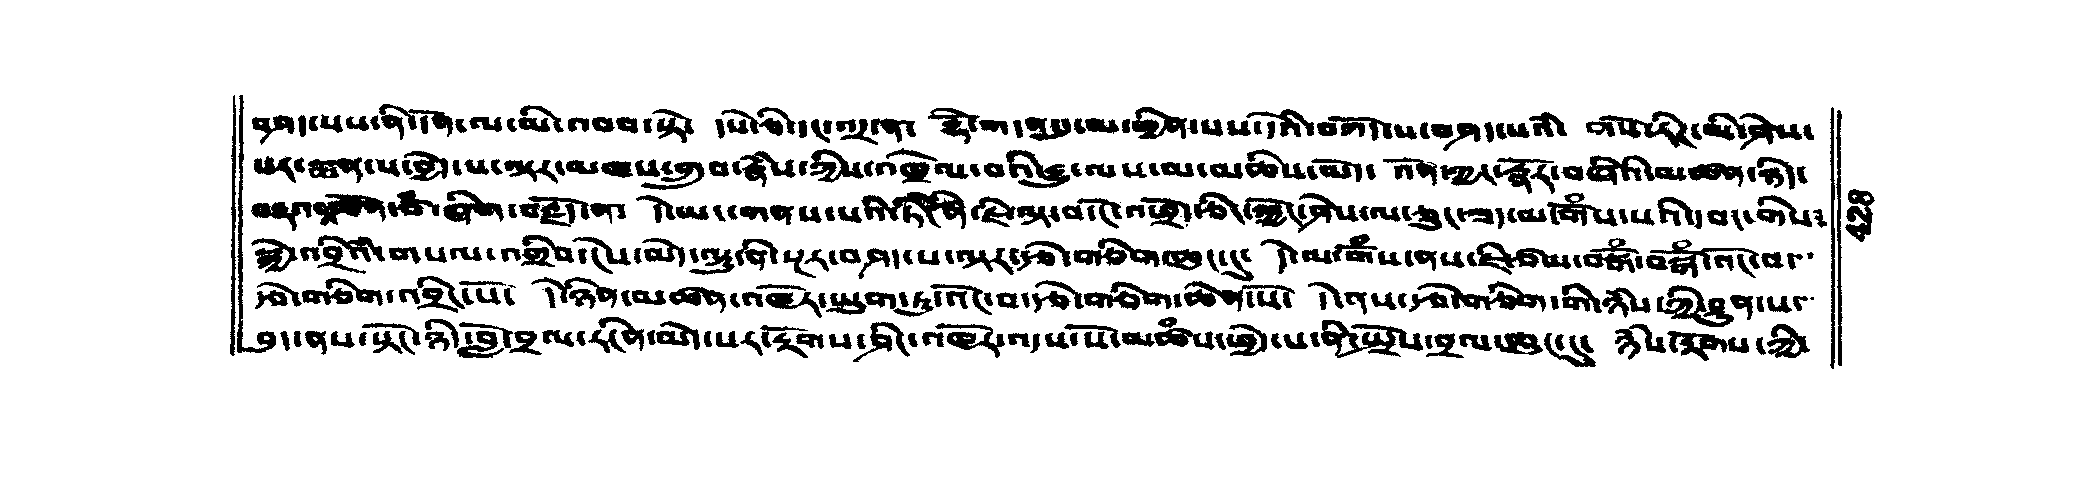བཤད་པས་ནི་དོན་ལ་མི་འབབ་སྟེ། དཔེ་ཅི་དང་འདྲ་ན། རྡོ་རྗེ་གདན་དུ་མ་ཕྱིན་པས་དེའི་བཀོད་པ་བཤད་པའམ། གསོ་རིག་མི་ཤེས་
པར་སྨན་པ་བྱེད་པ་ལྟར་མཁས་གྲུབ་རྣམས་ཀྱིས་འཁྲོལ་བའི་རྒྱུ་ལས་མ་མཆིས་མེད། འོན་ཀྱང་རྣལ་འབྱོར་བཞིའི་མཚན་ཉིད་
བརྡའ་མཚོན་ཙམ་ཞིག་བརྗོད་ན། དེ་ཡང་གནས་པའི་ཏིང་འཛིན་ཇི་ལྟ་བར་ངོ་འཕྲོད་ཅིང་སྐྱོང་ཤེས་ལ་ཅུང་ཟད་གོམས་པའི་དབང་གིས་
སྐྱེ་འབྲིའམ་གསལ་འགྲིབ་ངེས་མེད་ལྟ་བུ་ནི་སྔར་བཤད་པ་ལྟར་རྩེ་གཅིག་ཆུང་ངུ་། དེ་མ་གོམས་ནས་ཇི་ཙམ་གོམས་གོམས་འོང་བ་
རྩེ་གཅིག་འབྲིང་པོ། དེ་ཉིད་མཚན་འཁོར་ཡུག་ཏུ་འོང་བ་རྩེ་གཅིག་ཆེན་པོ། དེ་ནས་རྩེ་གཅིག་གི་ཉམས་ཀྱི་ཤུན་པ་
བུད་ནས་སྟོང་ཉིད་བློ་བྲལ་རང་བཞིན་མེད་པར་རྟོགས་ཤིང་འཁོར་འདས་སོ་མཚམས་ཕྱེད་པ་ནི་སྤྲོས་བྲལ་ཆུང་ངུ་། ཉམས་རྟོགས་ཀྱི་